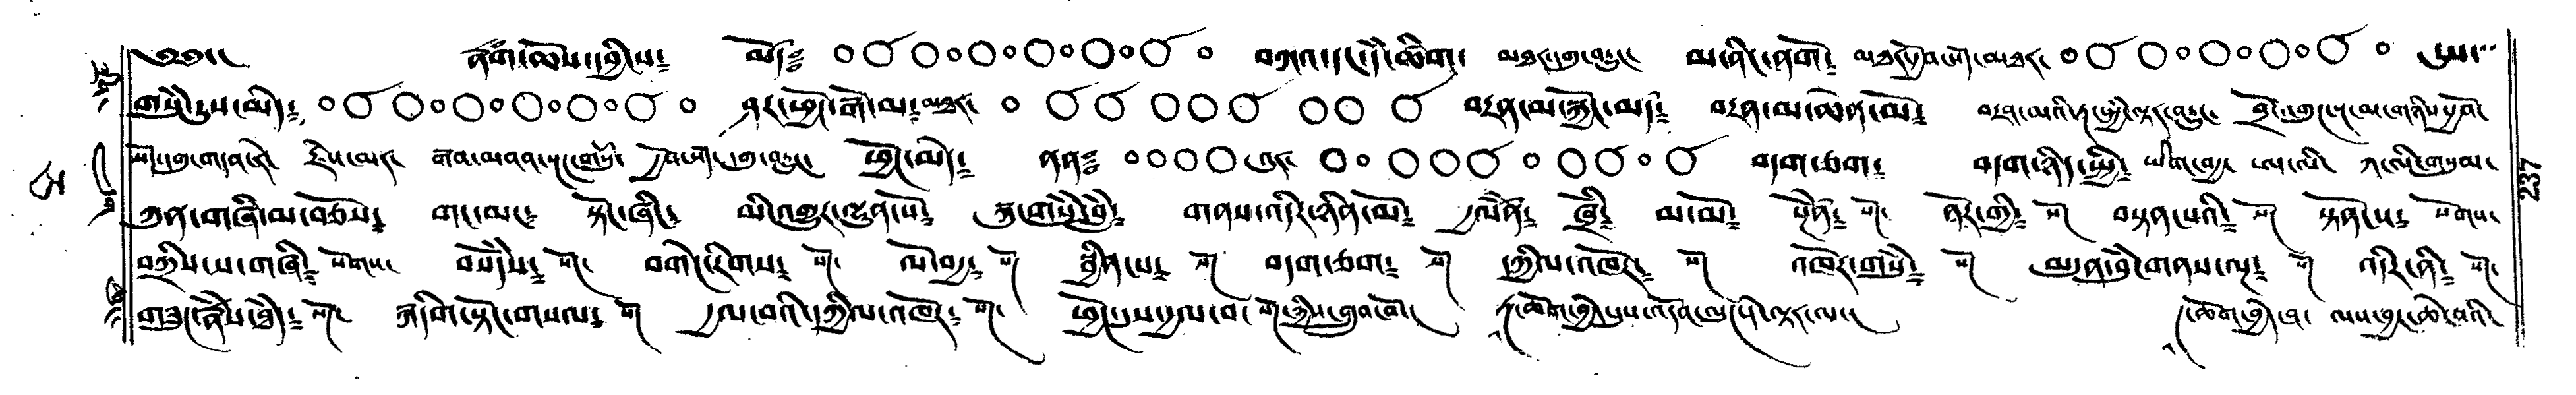རྣམ་དག་ཆོས་དབྱིངས༴ མཛོད༔ བཀའ་དང་དམ་ཚིག༴ མཐར་དགུ་བརྡུང་། མ་ནིང་ནག་པོ༴ མཐར་རྒྱོབ་སོད་མཐར་ དུས་
གསུམ་དུས་མེད༴ ཤར་ཕྱོགས་སྒོ་མ༴ མཐར། བརྟན་མ་སྐྱོང་མཛད༴ བརྟན་མ་ཆེན་མོ༴ བརྟན་མའི་རྔ་སྤྱི་ལྟར་བརྡུང་། བྲོ་འགུགས་སྔ་མ་གཉིས་རྒྱོབ་
སོད་དགུ་གདན་རེ། རྗེས་མར། སྒབ་མནན་སྔགས་གསུམ། རྒྱོབ་སོད། དགུ་རྡུང་། ཕྱོགས་མེད༴ ནན༔ འུར། བདག་ཅག༴ བདག་ཉིད་སྤྱི༴ ཡིག་ བརྒྱ། ཨ་ལི། ཀ་ལི་གསུམ། 
ཀུན་གཞི་མ་བཅོས༴ གང་ཡང༴ སྟོང་ཞིང༴ མི་འགྱུར་ལྷུན་པོ༴ སྐུ་གསུམ་བླ་མ༴ གནས་འདིར་ཉིན་མོ༴ རྒྱལ་མཚན༴ ཞི་ཁྲོ༴ མ་མོ༴ སྔོན་ཚེ༴ སོགས། ནོར་གྱི༴ སོགས། བསྟན་པའི༴ སོགས། སྟོན་པ༴ སོགས། 
བཀྲ་ཤིས་ས་གཞི༴ སོགས། བསོད་ནམས༴ སོགས། བགེགས་རིགས༴ སོགས། ལོ་བརྒྱ༴ སོགས། སྦྱིན་པ༴ སོགས། བདག་ཅག༴ སོགས། དཀྱིལ་འཁོར༴ སོགས། འཁོར་གསུམ༴ སོགས། མདུན་བུམ་གནས་ལྔ༴ སོགས། འདིར་ནི༴ སོགས། 
གཟུགས་རྣམས་ཐམས་ཅད༴ སོགས། སྐད་ཅིག་སྟོང་གསལ༴ སོགས། རྒྱལ་བའི་དཀྱིལ་འཁོར༴ སོགས། ཕྱོགས་དུས་རྒྱལ་བ༴ སོགས་ཀྱིས་གྲུབ་པོ། རྔ་ཆོག་བྱེད་དུས་འདོན་ལུགས་དེ་ལྟར་ལ། ཌཱ་ཆོག་བྱེད་ན། ལས་བྱང་ཆེ་བའི།